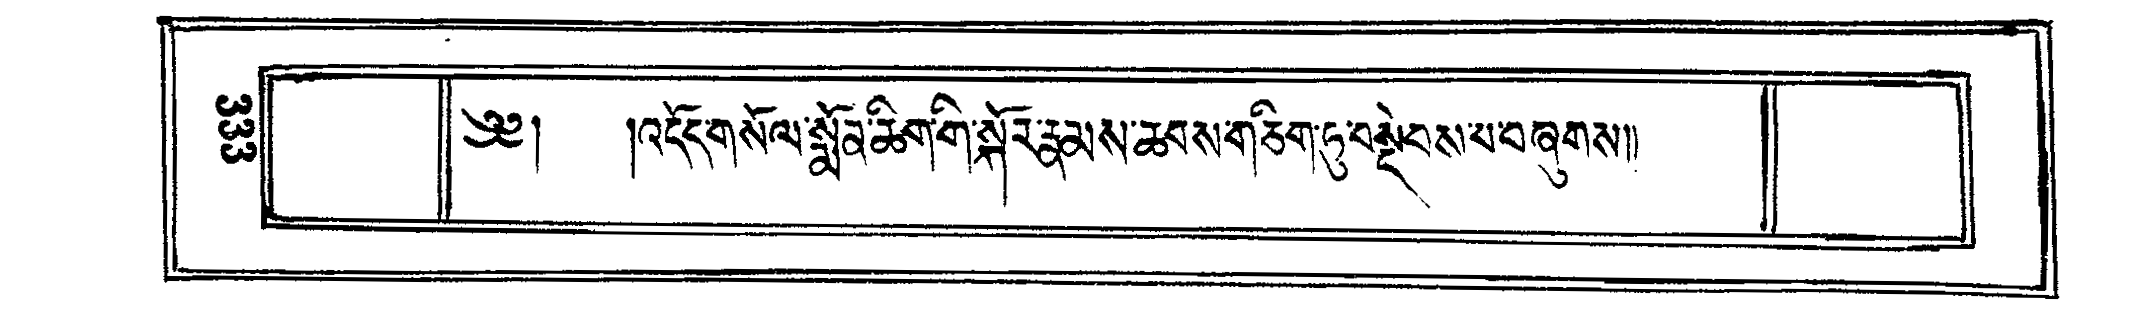༄༅། །འདོད་གསོལ་སྨོན་ཚིག་གི་སྐོར་རྣམས་ཆབས་གཅིག་ཏུ་བསྡེབས་པ་བཞུགས།།